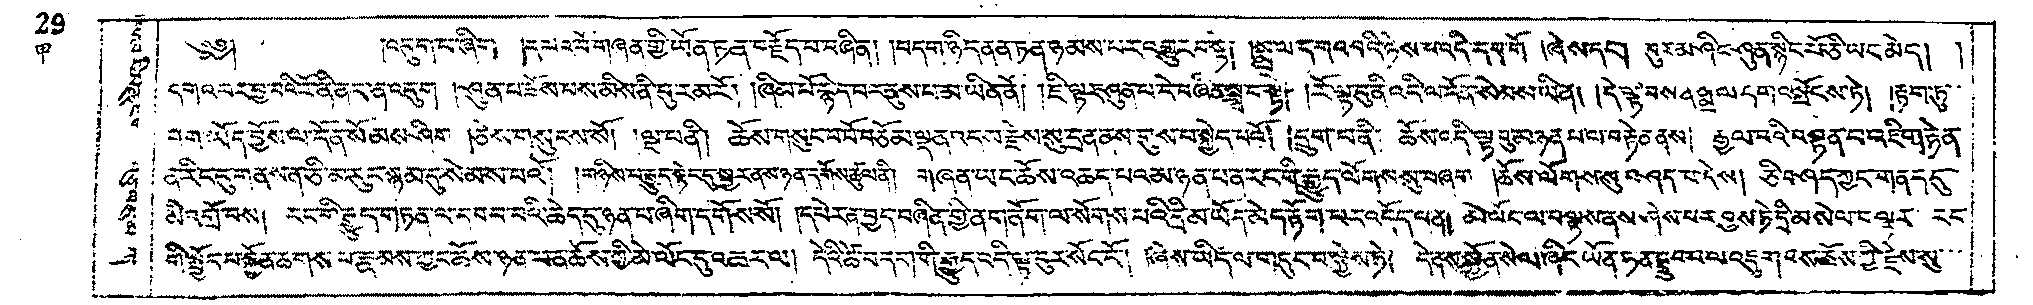༄༅། །འདུག་པ་ཞིག། དཔའ་བོ་གཞན་གྱི་ཡོན་ཏན་བརྗོད་པ་བཞིན། །བདག་ཉིད་ནན་ཏན་ཉམས་པར་འགྱུར་བ་སྟེ། །སྨྲ་ལ་དགའ་བའི་ཉེས་པ་འདི་དག་གོ །ཞེས་དང་། བུར་མ་ཤིང་ཤུན་སྙིང་པོ་ཅི་ཡང་མེད། །
དགའ་བར་བྱ་བའི་རོ་ནི་ནང་ན་འདུག། ཤུན་པ་ཟོས་པས་མིས་ནི་བུ་རམ་རོ། །ཞིམ་པོ་རྙེད་པར་ནུས་པ་མ་ཡིན་ནོ། །ཇི་ལྟར་ཤུན་པ་དེ་བཞིན་སྨྲ་བ་སྟེ། །རོ་ལྟ་བུ་ནི་འདི་ལ་དོན་སེམས་ཡིན། །དེ་ལྟ་བས་ན་སྨྲལ་དགའ་སྤོངས་ཏེ། །རྟག་ཏུ་
བག་ཡོད་བྱོས་ལ་དོན་སོམས་ཤིག། ཅེས་གསུངས་སོ། །ལྔ་པ་ནི། ཆོས་གསུང་བ་པོ་བཅོམ་ལྡན་འདས་རྗེས་སུ་དྲན་ནས་གུས་པ་སྐྱེད་པའོ། །དྲུག་པ་ནི། ཆོས་འདི་ལྟ་བུ་མཉན་པ་ལ་བརྟེན་ནས། རྒྱལ་བའི་བསྟན་པ་འཇིག་རྟེན་
ན་རིང་དུ་གནས་ན་ཅི་མ་རུང་སྙམ་དུ་སེམས་པའོ། ། གཉིས་པ་རྒྱུད་སྟེང་དུ་སྦྱར་ནས་ཉན་དགོས་ཚུལ་ནི། གཞན་ཡང་ཆོས་འཆད་པའམ་ཉན་པ་ན་རང་གི་རྒྱུད་ལོགས་སུ་བཞག། ཆོས་ལོགས་སུ་བཤད་པ་དེས། ཅི་བཤད་ཀྱང་གནད་དུ་
མི་འགྲོ་བས། རང་གི་རྒྱུད་གཏན་ལ་དབབ་པའི་ཆེད་དུ་ཉན་པ་ཞིག་དགོས་སོ། །དཔེར་ན་བྱད་བཞིན་གྱི་ནག་ནོག་ལ་སོགས་པའི་དྲི་མ་ཡོད་མེད་རྟོག་པར་འདོད་པ་ན། མེ་ལོང་ལ་བལྟས་ནས་ཤེས་པར་བྱས་ཏེ་དྲི་མ་སེལ་བ་ལྟར་རང་
གི་སྤྱོད་པ་སྐྱོན་ཆགས་པ་རྣམས་ཀྱང་ཆོས་ཉན་པ་ན་ཆོས་ཀྱི་མེ་ལོང་དུ་འཆར་ལ། དེའི་ཚེ་བདག་གི་རྒྱུད་འདི་ལྟ་བུར་སོང་ངོ། །ཞེས་ཡིད་ལ་གདུང་བསྐྱེད་ཏེ། དེ་ནས་སྐྱོན་སེལ་ཞིང་ཡོན་ཏན་སྒྲུབ་པ་ལ་འཇུག་པས་ཆོས་ཀྱི་རྗེས་སུ་